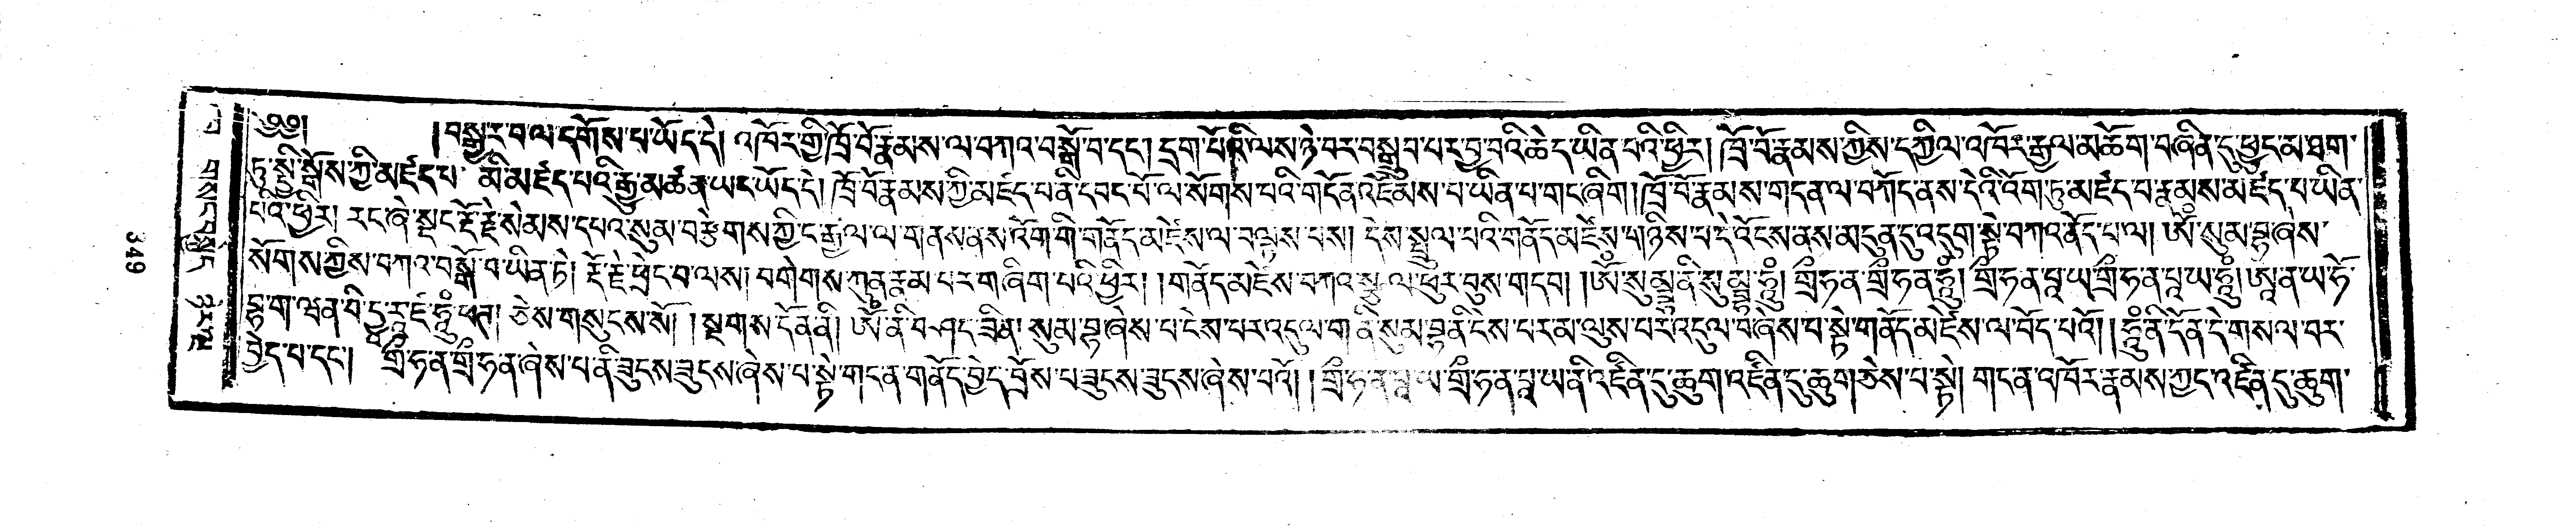༄༅། །བསྒྱུར་བ་ལ་དགོས་པ་ཡོད་དེ། འཁོར་གྱི་ཁྲོ་བོ་རྣམས་ལ་བཀའ་བསྒོ་བ་དང་། དྲག་པོའི་ལས་ཉེ་བར་བསྒྲུབ་པར་བྱ་བའི་ཆེད་ཡིན་པའི་ཕྱིར། ཁྲོ་བོ་རྣམས་ཀྱིས་དཀྱིལ་འཁོར་རྒྱལ་མཆོག་བཞིན་དུ་ཕྱུང་མ་ཐག་
ཏུ་སྤྱི་སྒོས་ཀྱི་མཛད་པ་མི་མཛད་པའི་རྒྱུ་མཚན་ཡང་ཡོད་དེ། ཁྲོ་བོ་རྣམས་ཀྱི་མཛད་པ་ནི་དབང་པོ་ལ་སོགས་པའི་གདོན་འཛེམས་པ་ཡིན་པ་གང་ཞིག །ཁྲོ་བོ་རྣམས་གདན་ལ་བཀོད་ནས་དེའི་འོག་ཏུ་མཛད་པ་རྣམས་མཛད་པ་ཡིན་
པའི་ཕྱིར། རང་ཞེ་སྡང་རྡོ་རྗེ་སེམས་དཔའ་སུམ་བརྩེགས་ཀྱི་ང་རྒྱལ་ལ་གནས་ནས་འོག་ག་གནོད་མཛེས་ལ་བལྟས་པས། དེས་སྤྲུལ་པའི་གནོད་མཛེས་གཉིས་པ་དེ་འོངས་ནས་མདུན་དུ་འདུག་སྟེ་བཀའ་ནོད་པ་ལ། ཨོཾ་སུམ་བྷ་ཞེས་
སོགས་ཀྱིས་བཀའ་བསྒོ་བ་ཡིན་ཏེ། རྡོ་རྗེ་ཕྲེང་བ་ལས། བགེགས་ཀུན་རྣམ་པར་གཞིག་པའི་ཕྱིར། །གནོད་མཛེས་བཀའ་སྩལ་ཕུར་བུས་གདབ། །ཨོཾ་སུམྦྷ་ནི་སུམྦྷ་ཧཱུཾ། གྲྀ་ཧ་ན་གྲྀ་ཧ་ན་ཧཱུཾ། གྲྀ་ཧ་ན་པཱ་ཡ་གྲྀ་ཧ་ན་པཱ་ཡ་ཧཱུཾ། ཨཱ་ན་ཡ་ཧོ་
བྷ་ག་ཝན་བི་དྱཱ་རཱ་ཛ་ཧཱུཾ་ཕཊ། ཅེས་གསུངས་སོ། །སྔགས་དོན་ནི། ཨོཾ་ནི་བཤད་ཟིན། སུམ་བྷ་ཞེས་པ་ངེས་པར་འདུལ་པ། ནི་སུམ་བྷ་ནི་ངེས་པར་མ་ལུས་པར་འདུལ་བཞེས་པ་སྟེ་གནོད་མཛེས་ལ་བོད་པའོ། །ཧཱུཾ་ནི་དོན་དེ་གསལ་བར་
བྱེད་པ་དང་། གྲྀ་ཧ་ན་གྲྀ་ཧ་ན་ཞེས་པ་ནི་ཟུངས་ཟུངས་ཞེས་བ་སྟེ་གང་ན་གནོད་བྱེད་ཕྲོས་པ་ཟུངས་ཟུངས་ཞེས་པའོ། །གྲྀ་ཧ་ན་པཱ་ཡ་གྲྀ་ཧ་ན་པཱ་ཡ་ནི་འཛིན་དུ་ཆུག་འཛིན་དུ་ཆུག་ཅེས་པ་སྟེ། གང་ན་འཁོར་རྣམས་ཀྱང་འཛིན་དུ་ཆུག་